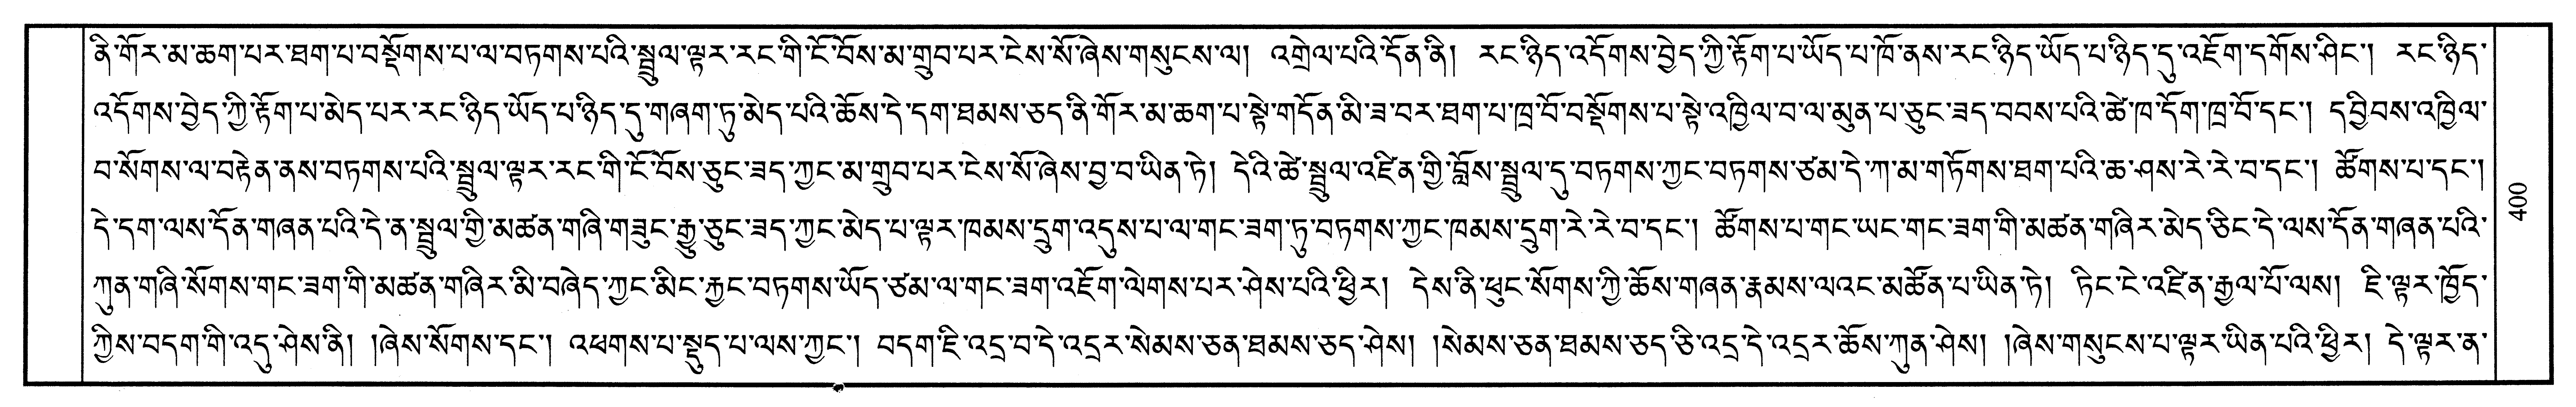ནི་གོར་མ་ཆག་པར་ཐག་པ་བསྡོགས་པ་ལ་བཏགས་པའི་སྦྲུལ་ལྟར་རང་གི་ངོ་བོས་མ་གྲུབ་པར་ངེས་སོ་ཞེས་གསུངས་ལ། འགྲེལ་པའི་དོན་ནི། རང་ཉིད་འདོགས་བྱེད་ཀྱི་རྟོག་པ་ཡོད་པ་ཁོ་ནས་རང་ཉིད་ཡོད་པ་ཉིད་དུ་འཇོག་དགོས་ཤིང་། རང་ཉིད་
འདོགས་བྱེད་ཀྱི་རྟོག་པ་མེད་པར་རང་ཉིད་ཡོད་པ་ཉིད་དུ་གཞག་ཏུ་མེད་པའི་ཆོས་དེ་དག་ཐམས་ཅད་ནི་གོར་མ་ཆག་པ་སྟེ་གདོན་མི་ཟ་བར་ཐག་པ་ཁྲ་བོ་བསྡོགས་པ་སྟེ་འཁྱིལ་བ་ལ་མུན་པ་ཅུང་ཟད་བབས་པའི་ཚེ་ཁ་དོག་ཁྲ་བོ་དང་། དབྱིབས་འཁྱིལ་
བ་སོགས་ལ་བརྟེན་ནས་བཏགས་པའི་སྦྲུལ་ལྟར་རང་གི་ངོ་བོས་ཅུང་ཟད་ཀྱང་མ་གྲུབ་པར་ངེས་སོ་ཞེས་བྱ་བ་ཡིན་ཏེ། དེའི་ཚེ་སྦྲུལ་འཛིན་གྱི་བློས་སྦྲུལ་དུ་བཏགས་ཀྱང་བཏགས་ཙམ་དེ་ཀ་མ་གཏོགས་ཐག་པའི་ཆ་ཤས་རེ་རེ་བ་དང་། ཚོགས་པ་དང་།
དེ་དག་ལས་དོན་གཞན་པའི་དེ་ན་སྦྲུལ་གྱི་མཚན་གཞི་གཟུང་རྒྱུ་ཅུང་ཟད་ཀྱང་མེད་པ་ལྟར་ཁམས་དྲུག་འདུས་པ་ལ་གང་ཟག་ཏུ་བཏགས་ཀྱང་ཁམས་དྲུག་རེ་རེ་བ་དང་། ཚོགས་པ་གང་ཡང་གང་ཟག་གི་མཚན་གཞིར་མེད་ཅིང་དེ་ལས་དོན་གཞན་པའི་
ཀུན་གཞི་སོགས་གང་ཟག་གི་མཚན་གཞིར་མི་བཞེད་ཀྱང་མིང་རྐྱང་བཏགས་ཡོད་ཙམ་ལ་གང་ཟག་འཇོག་ལེགས་པར་ཤེས་པའི་ཕྱིར། དེས་ནི་ཕུང་སོགས་ཀྱི་ཆོས་གཞན་རྣམས་ལའང་མཚོན་པ་ཡིན་ཏེ། ཏིང་ངེ་འཛིན་རྒྱལ་པོ་ལས། ཇི་ལྟར་ཁྱོད་
ཀྱིས་བདག་གི་འདུ་ཤེས་ནི། །ཞེས་སོགས་དང་། འཕགས་པ་སྡུད་པ་ལས་ཀྱང་། བདག་ཇི་འདྲ་བ་དེ་འདྲར་སེམས་ཅན་ཐམས་ཅད་ཤེས། །སེམས་ཅན་ཐམས་ཅད་ཅི་འདྲ་དེ་འདྲར་ཆོས་ཀུན་ཤེས། །ཞེས་གསུངས་པ་ལྟར་ཡིན་པའི་ཕྱིར། དེ་ལྟར་ན་